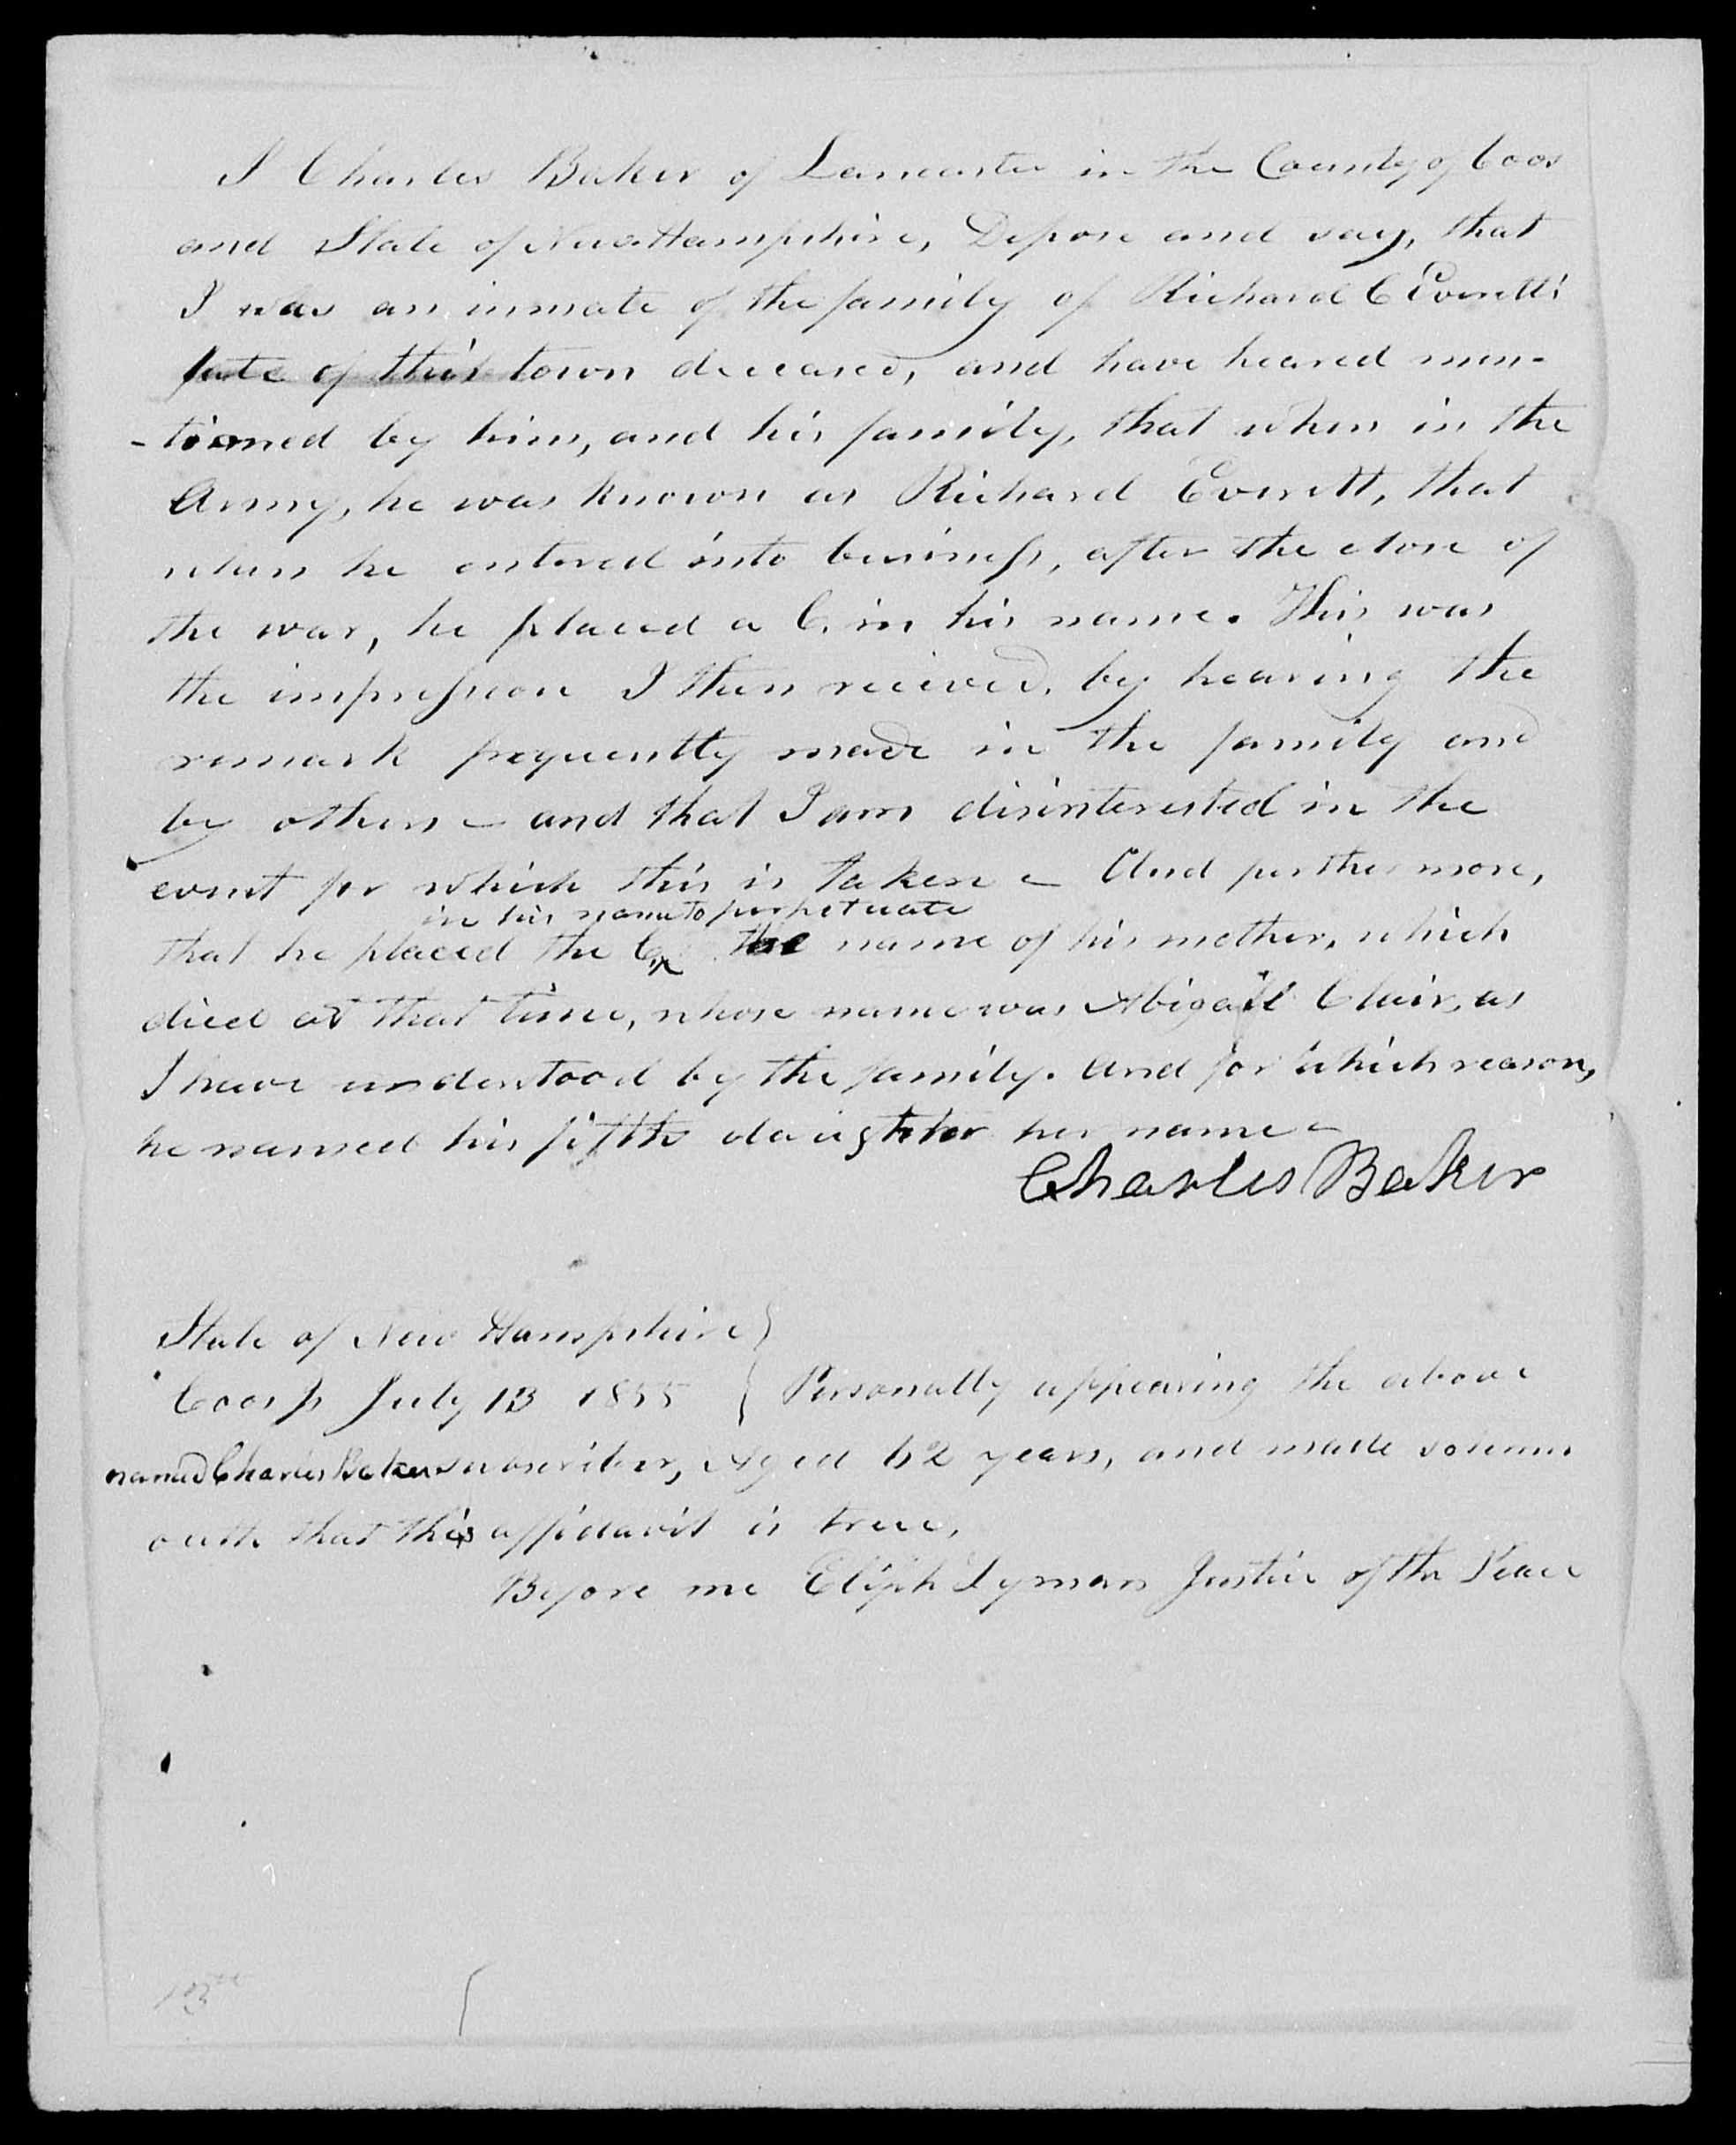I Charles Baker of Lancaster in the County of Coos and State of New Hampshire, depose and say that I was an inmate of the family of Richard C. Everett late of this town deceased, and have heard mentioned by him, and his family, that when in the Army, he was known as Richard Everett, that when he entered into business, after the close of the war, he placed a C. in his name. This was the information I then received, by hearing the remark frequently made in the family and by others and that I am disinterested in the event for which this is taken. And furthermore, that he placed the C. in his name to perpetuate the name of his mother, which died at that time, whose name was Abigail Clair, as I have understood by the family. And for which season, he named his fifth daughter her name. 
Charles Baker

State of New Hampshire
Coos July 13, 1855
Personally appearing the above named Charles Baker subscriber, Aged 62 years, and made solemn oath that this affidavit is true.
Before me Elijah Lyman Justice of the Peace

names: Richard Everett, Eliph Lyman, Abigail Clair, Charles Baker, Charles Baker, Richard C Everett, Charles Baker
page: 43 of 59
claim: widow's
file: W. 23017, Richard Clair Everett, Mass.